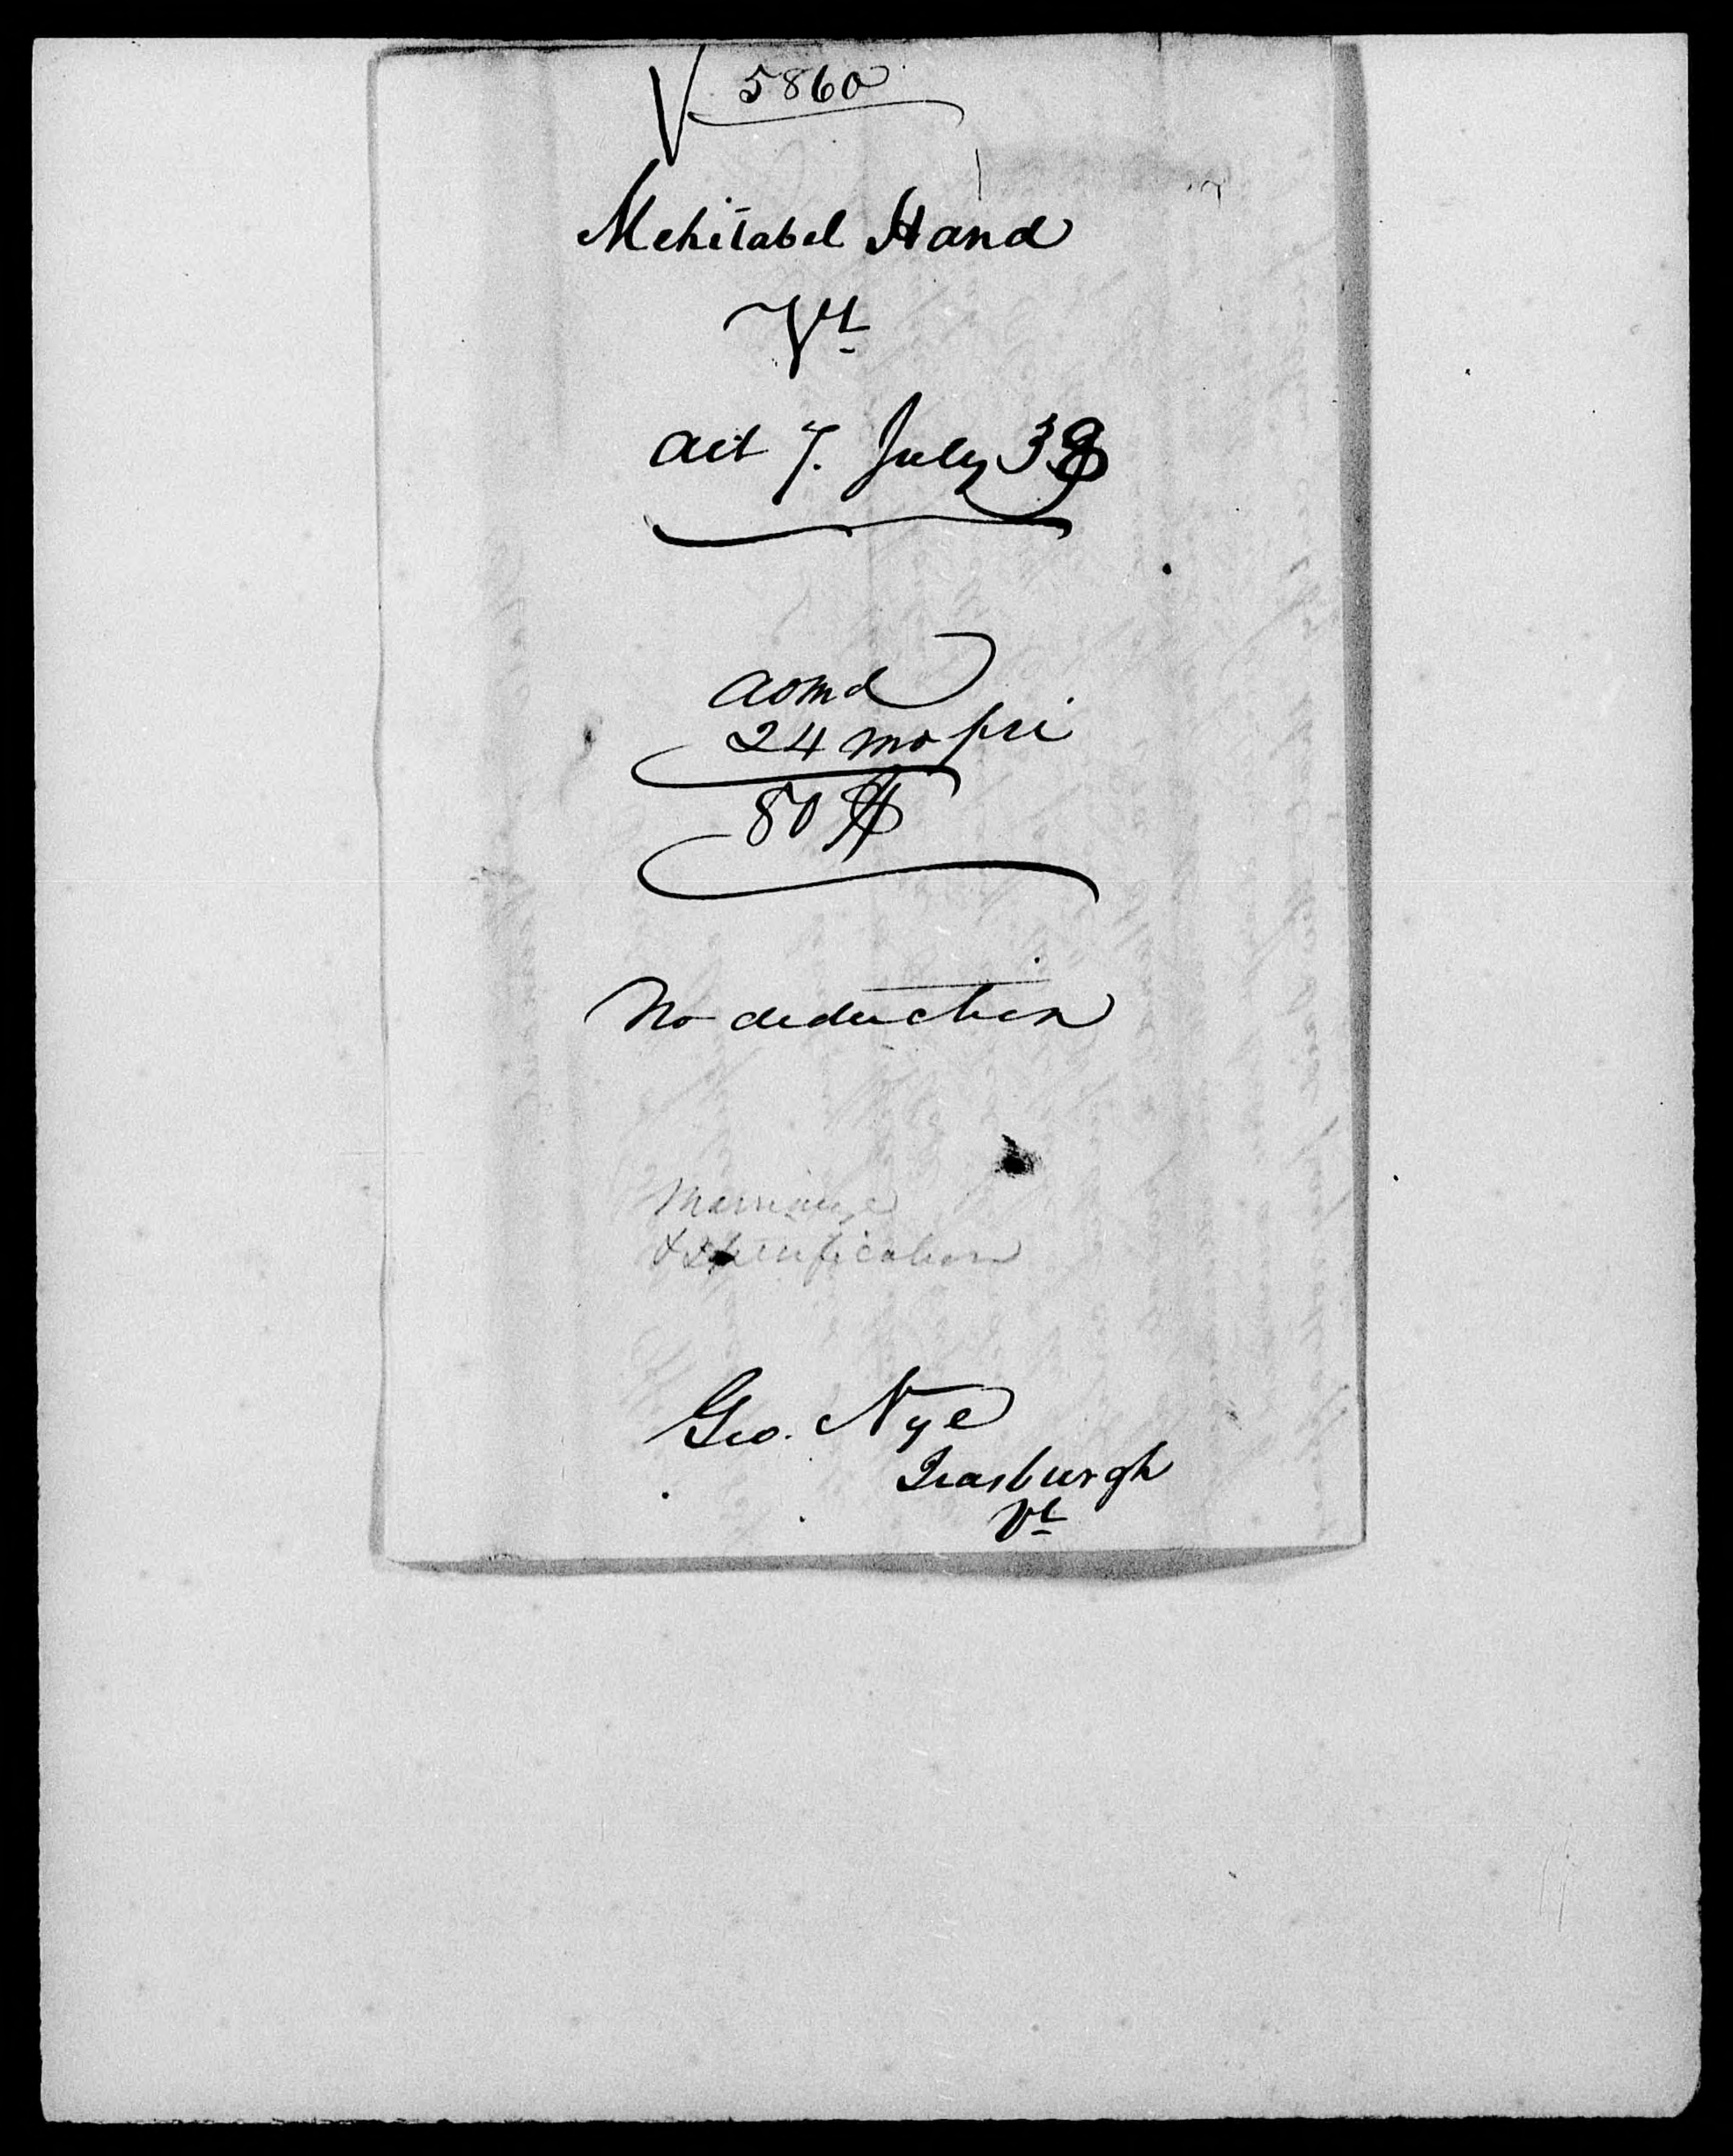5860
Mehitabel Hand
Vt
Act 7 July 38
and
to
80 dollars
No deduction
Geo.
Nye
Jedburgh Vt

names: Geo Nye, Mehitabel Hand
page: 39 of 42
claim: widow's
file: W. 19,722, Ira Hand, N.H. Vt.